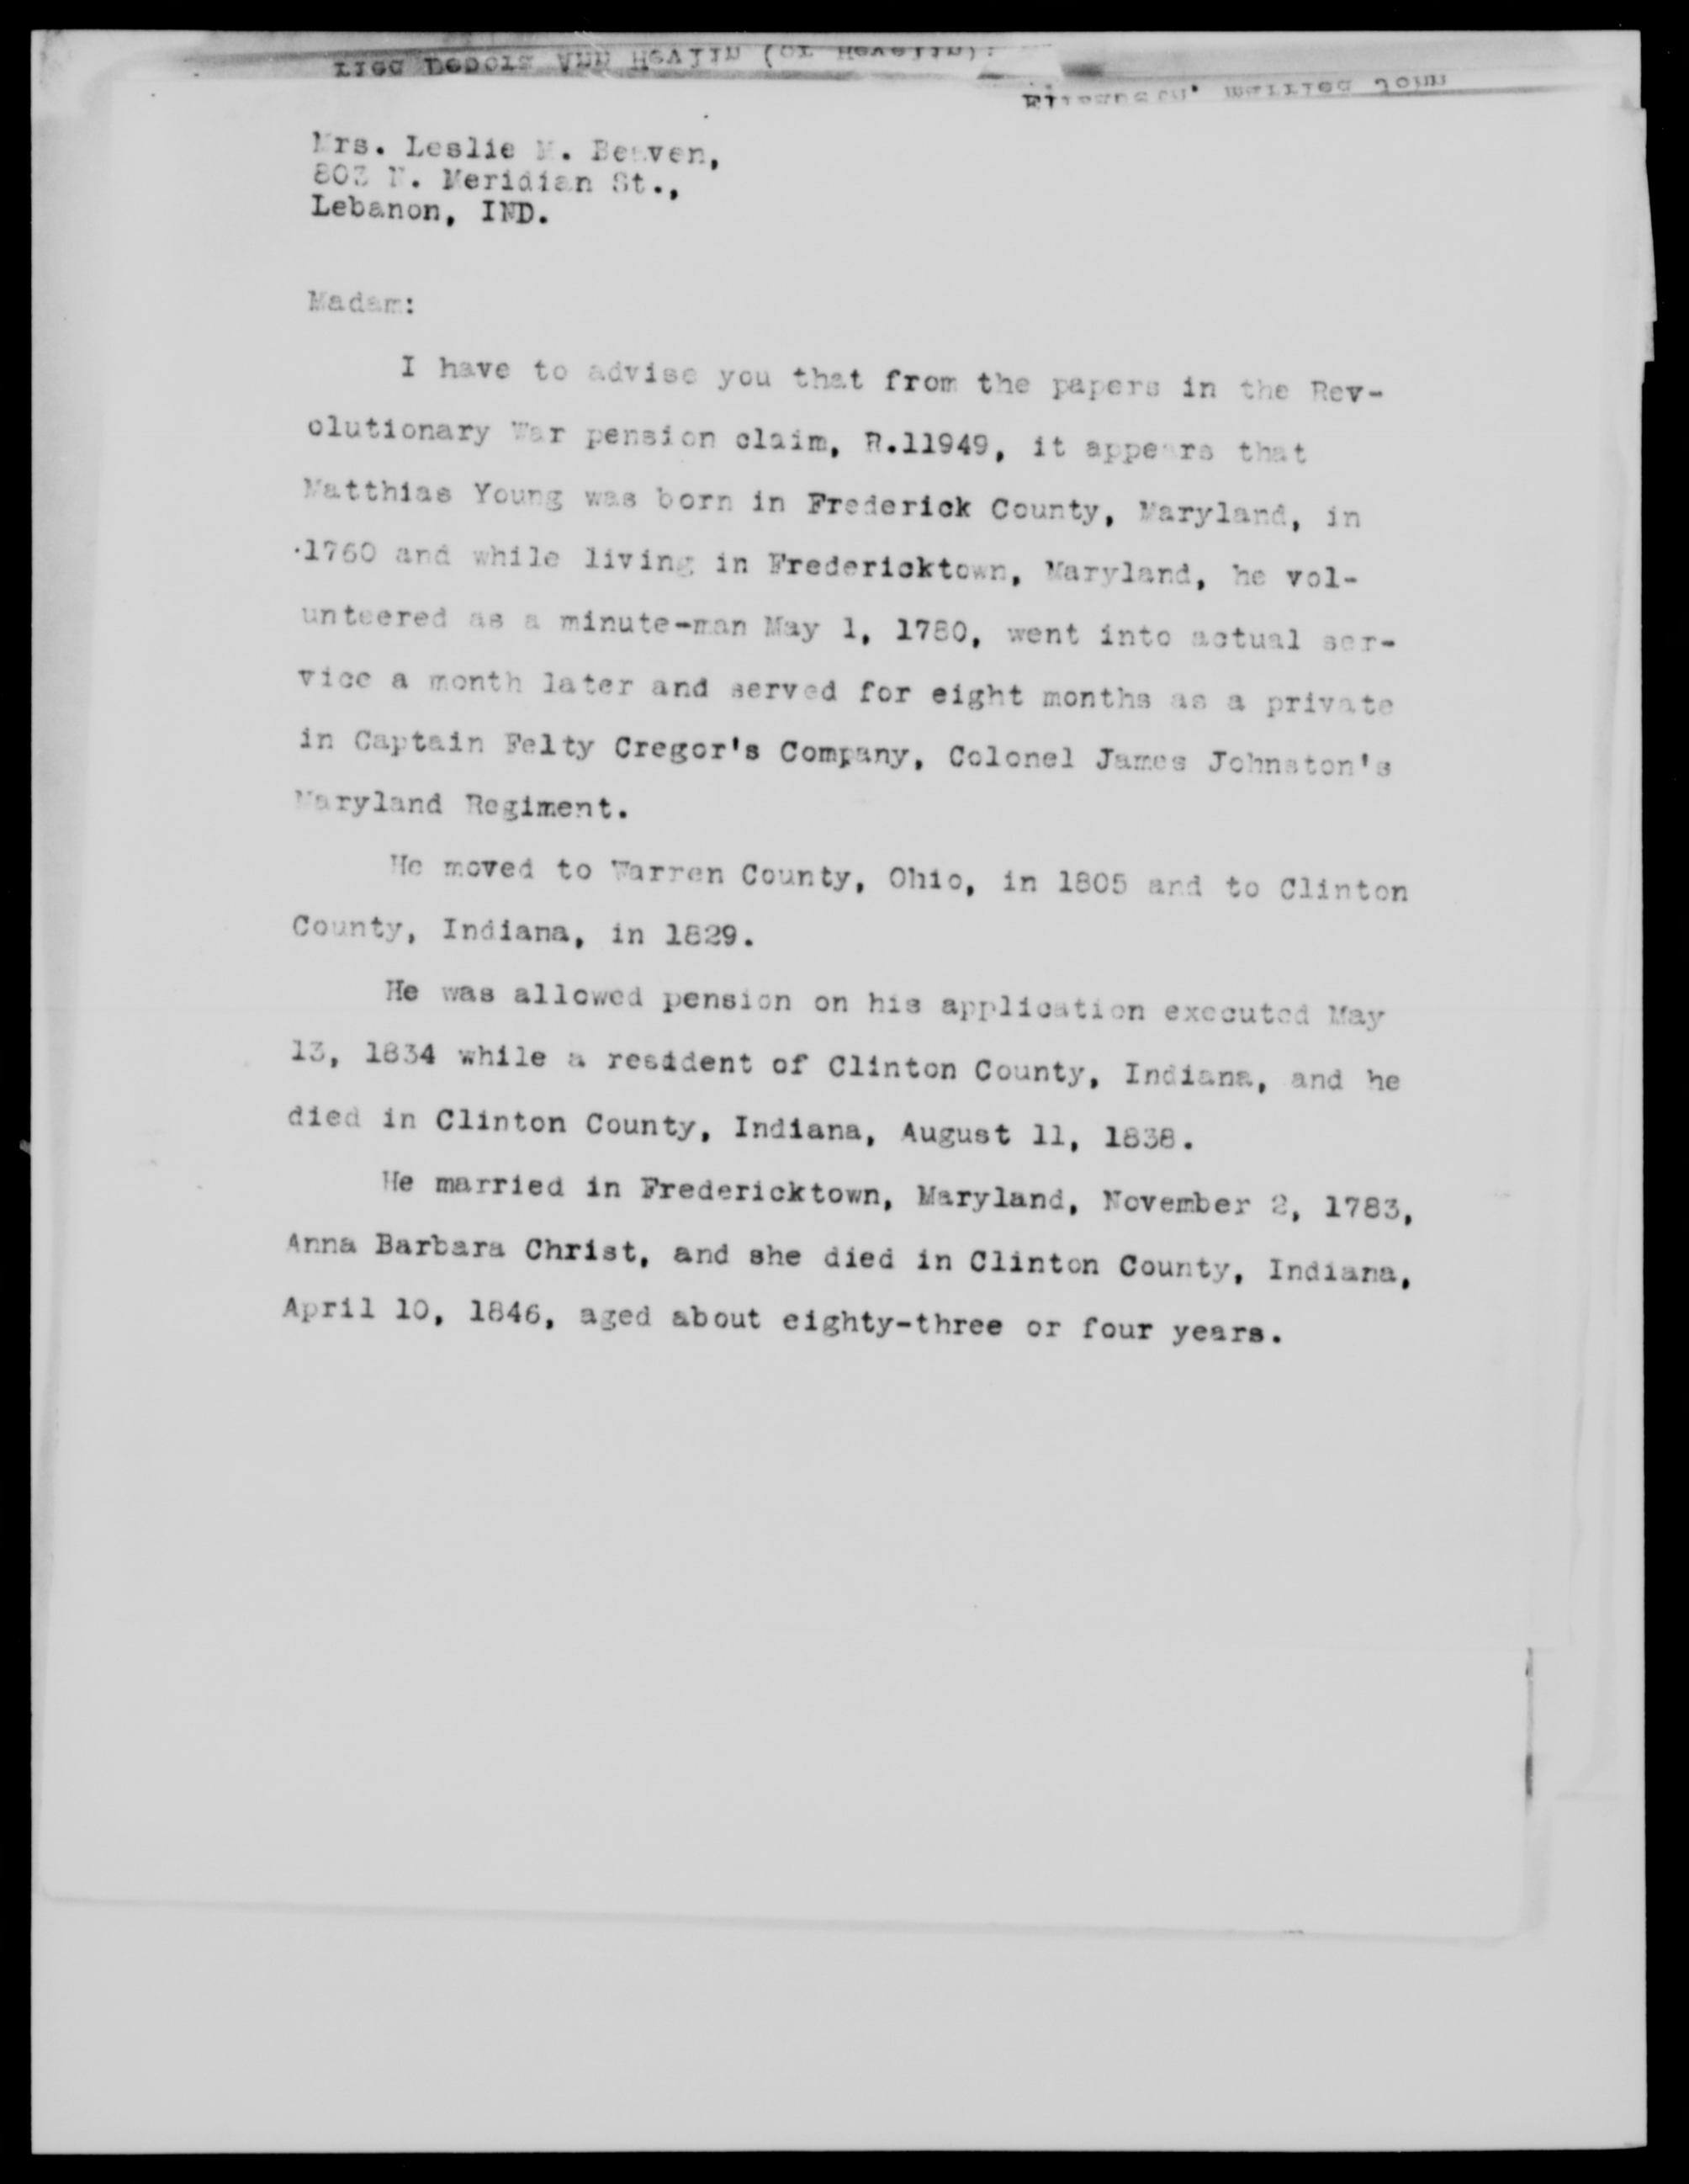Mrs. Leslie M. Beaven,
802 N. Meridian St.,
Lebanon, IND.
Madam:
I have to advise you that from the papers in the Revolutionary War pension claim, R.11949, it appears that Matthias Young was born in Frederick County, Maryland, in 1760 and while living in Fredericktown, Maryland, he volunteered
as a minute-man May 1, 1780, went into actual service a month later and served for eight months as a private in Captain Felty Cregor's Company, Colonel James Johnston's Maryland Regiment.
He moved to Warren County, Ohio, in 1805 and to Clinton County, Indiana, in 1829.
He was allowed pension on his application executed May 13, 1834 while a resident of Clinton County, Indiana, and he died in Clinton County, Indiana, August 11, 1838..
He married in Fredericktown, Maryland, November 22, 1783, Anna Barbara Christ, and she died in Clinton County, Indiana, April 10, 1846, aged about eighty-three or four years.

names: Matthias Young, Leslie M Beaven, Anna Barbara Christ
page: 51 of 123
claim: rejected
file: R. 11,949, Matthias Young, Md.